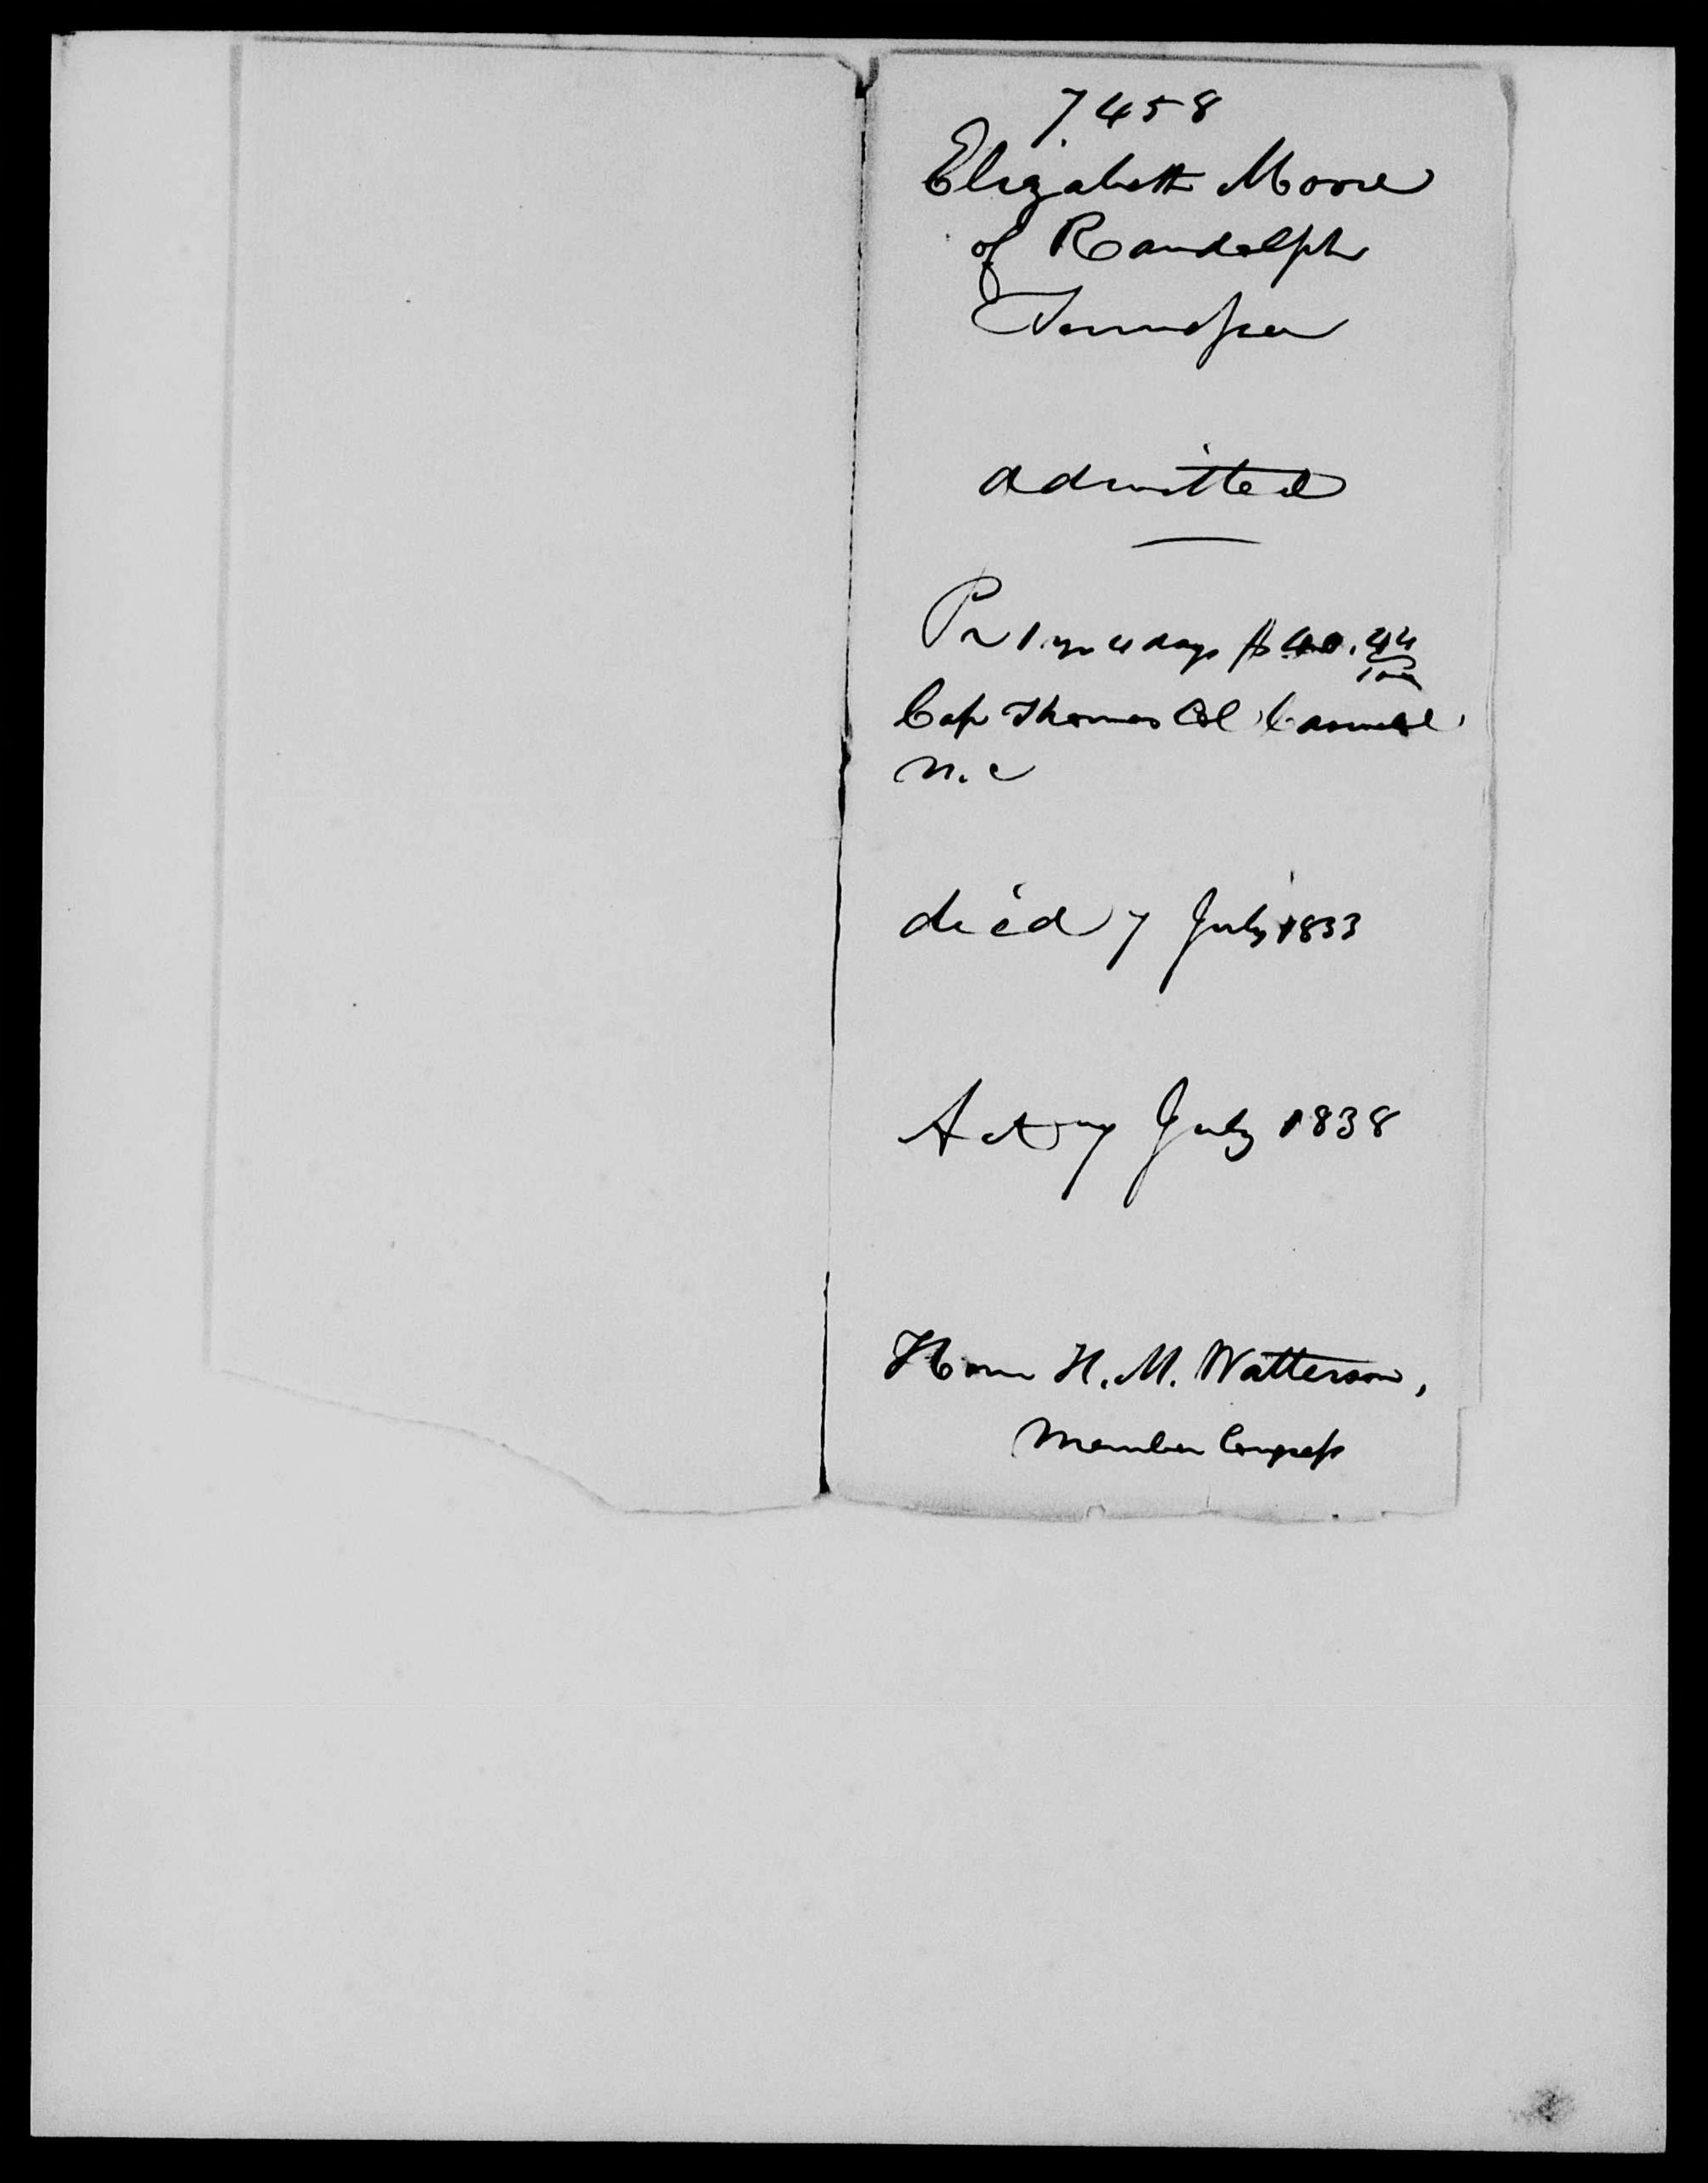7.458
Elizabeth Moore
of Randolph
Tennessee

admitted

Pr. 1 yr 4 days $40.44/100
Cap. Thomas Col. Campbell N. C.

died 7 July 1833

Hon. N. M. Watterson,
member Congress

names: [BLANK] Thomas; H M Walterson; Randolph [BLANK]; [BLANK] Cannel; Elizabeth Moore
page: 27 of 33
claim: widow's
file: W. 52, for Randolph Moore, North Carolina